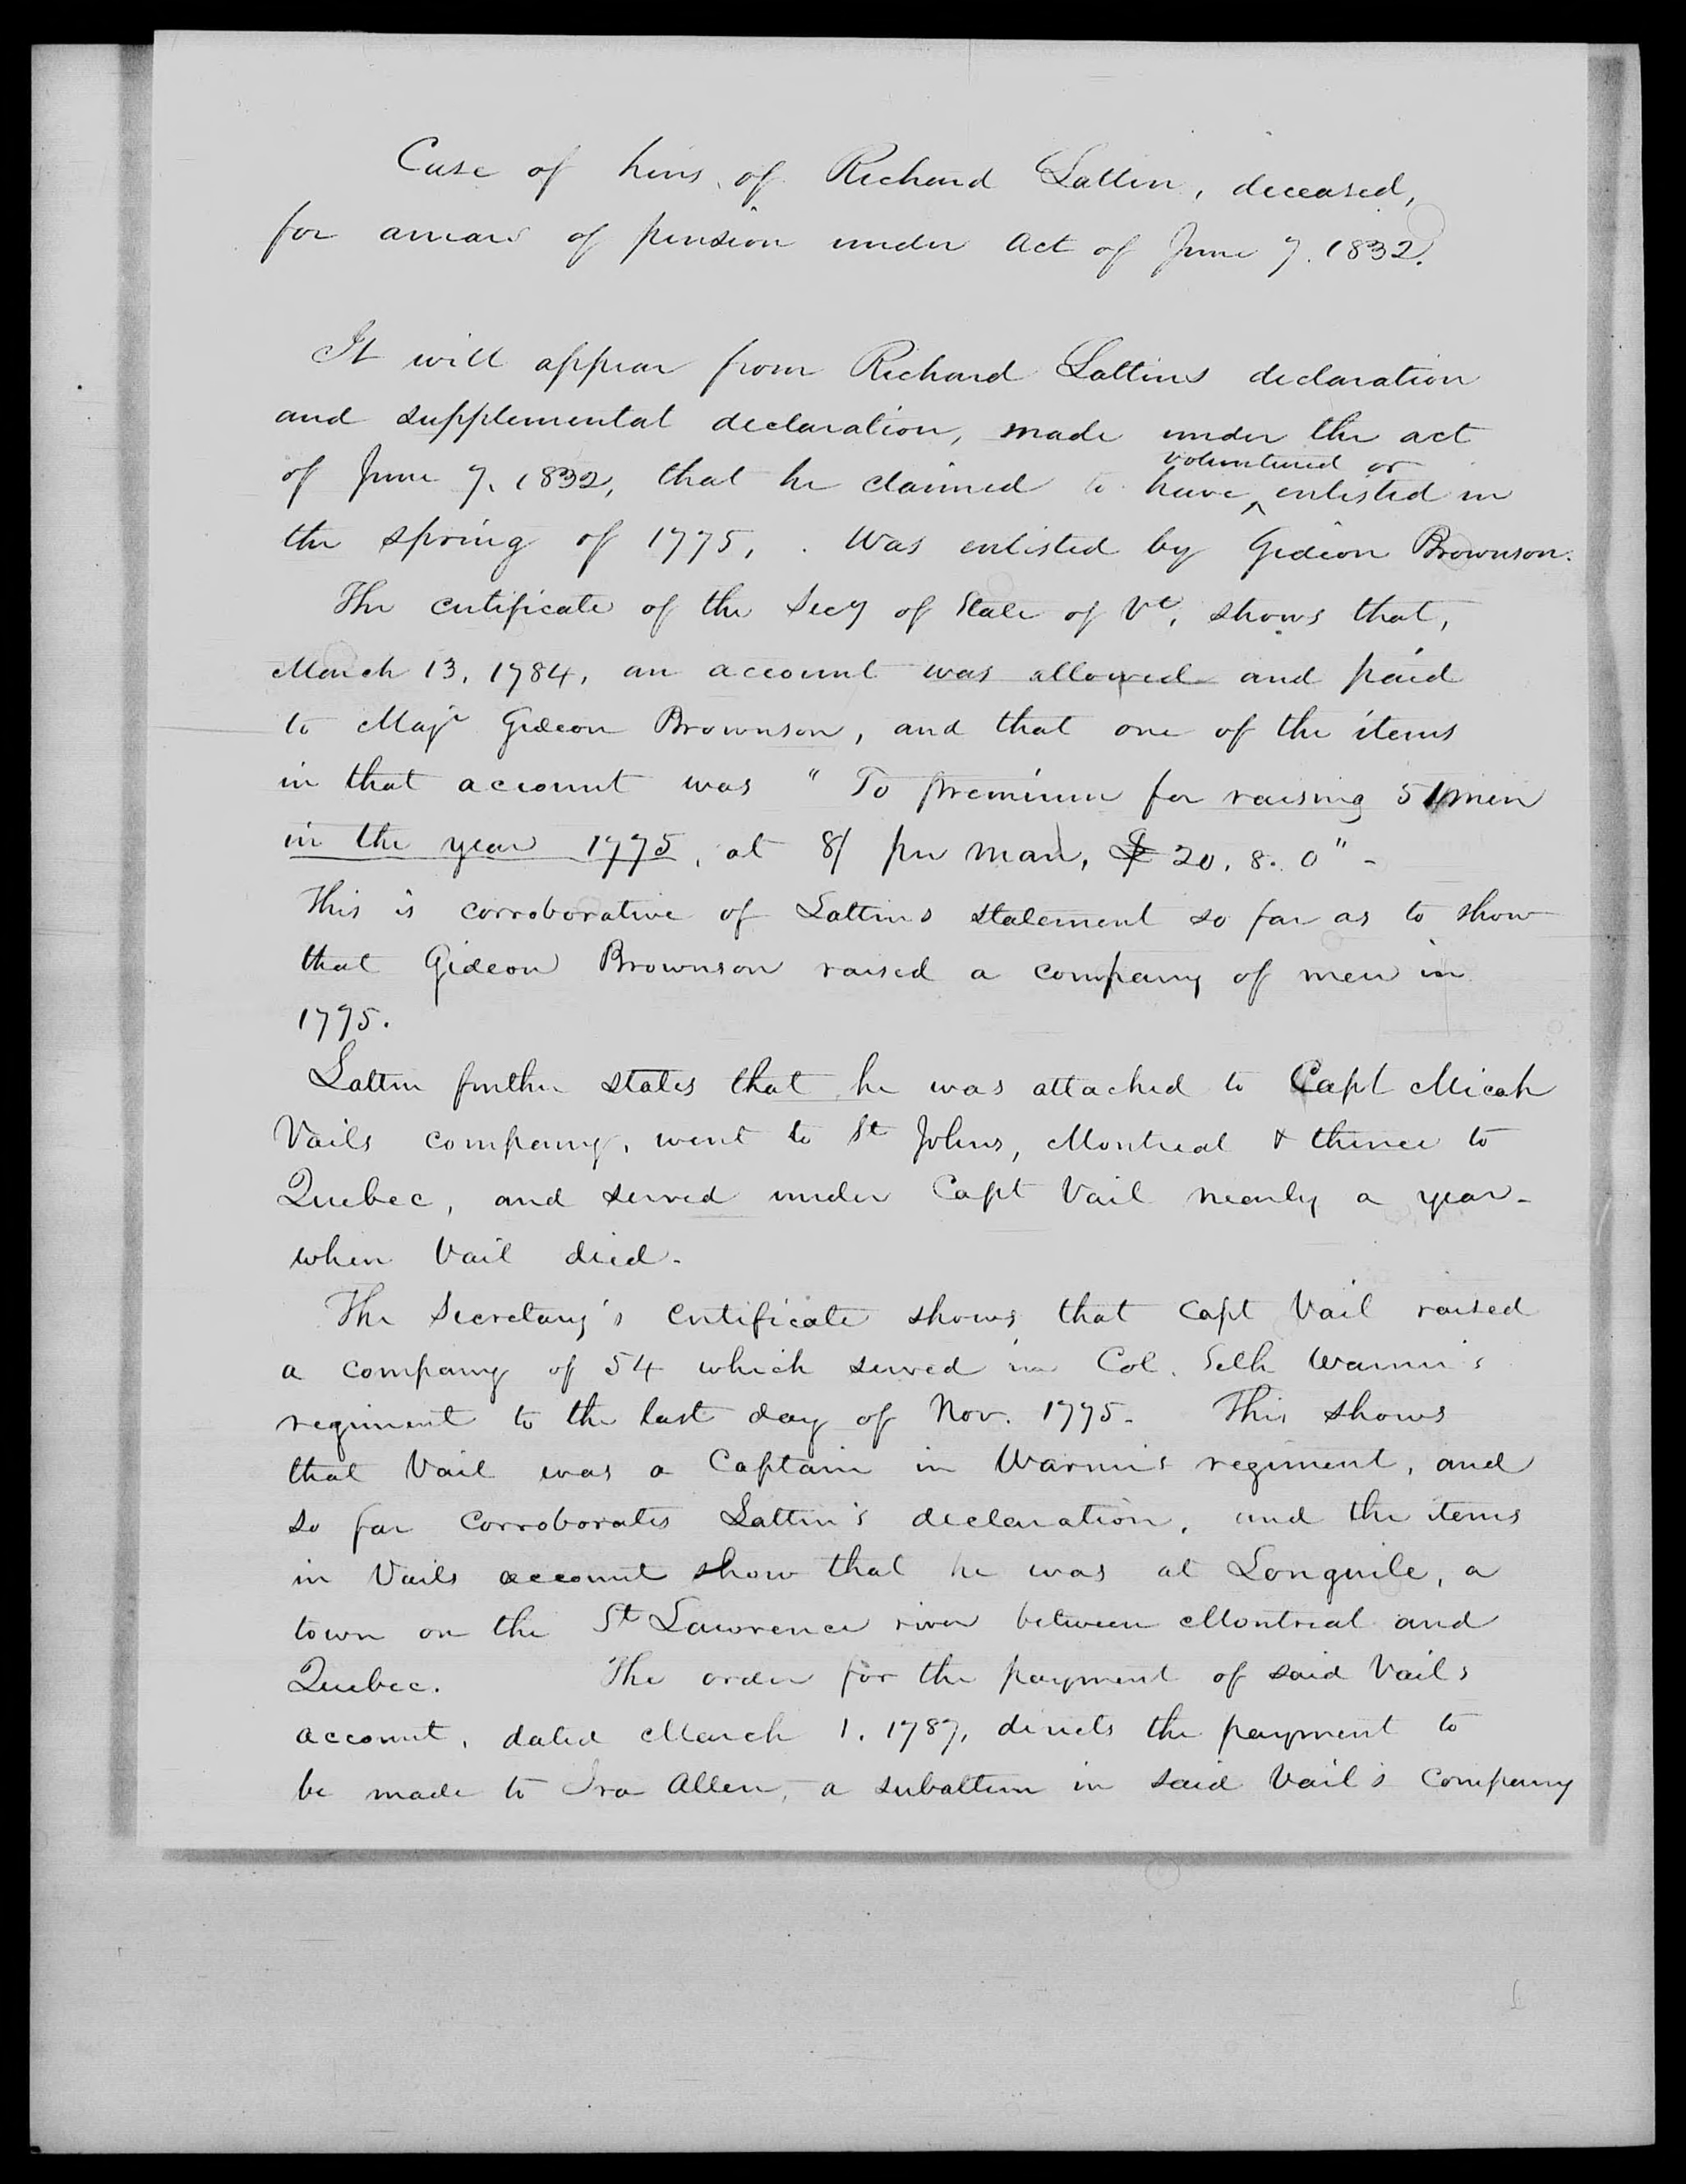Case of heirs of Richard Latten, deceased
for arrears of pension under act of June 7, 1832.
It will appear from Richard Lattin’s declaration
and supplemental declaration, made under the act
of June 7, 1832, that he claimed to have volunteered or enlisted in
the spring of 1775, was enlisted by Gideon Brownson
The certificate of the Secy of State of Vt shows that
March 13, 1784, an account was allowed and paid
to Majr Gideon Brownson, and that one of the items
in that account was “To premium for raising men
in the year 1775, at 8/ per man, #20.8.0.
This is corroborative of Lattin’s statement so far as to show
that Gideon Brownson raised a company of men in
1775.
Lattin further states that he was attached to Capt Micah
Vail’s Company, went to St Johns, Montreal & thence to
Quebec, and served under Capt Vail nearly a year
when Vail died.
The Secretary's certificate shows that Capt Vail raised
a company of 54 which served in Col. Seth Warner's
regiment to the last day of Nov. 1775. This shows
that Vail was a Captain in Warner’s regiment, and
so far corroborates Lattin's declaration, and the items
in Vails account show that he was at Longuile, a
town on the St Lawrence river between Montreal and
Quebec, The order for the payment of said Vail’s
account, dated March 1, 1787, direct the payment to
be made to Ira Allen, a subaltern in said Vail's company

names: [BLANK] Vail; Gideon Brownson; Ira Allen; Richard Lattin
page: 89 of 99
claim: widow's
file: W. 24,482, for Richard Lattin, Vermont